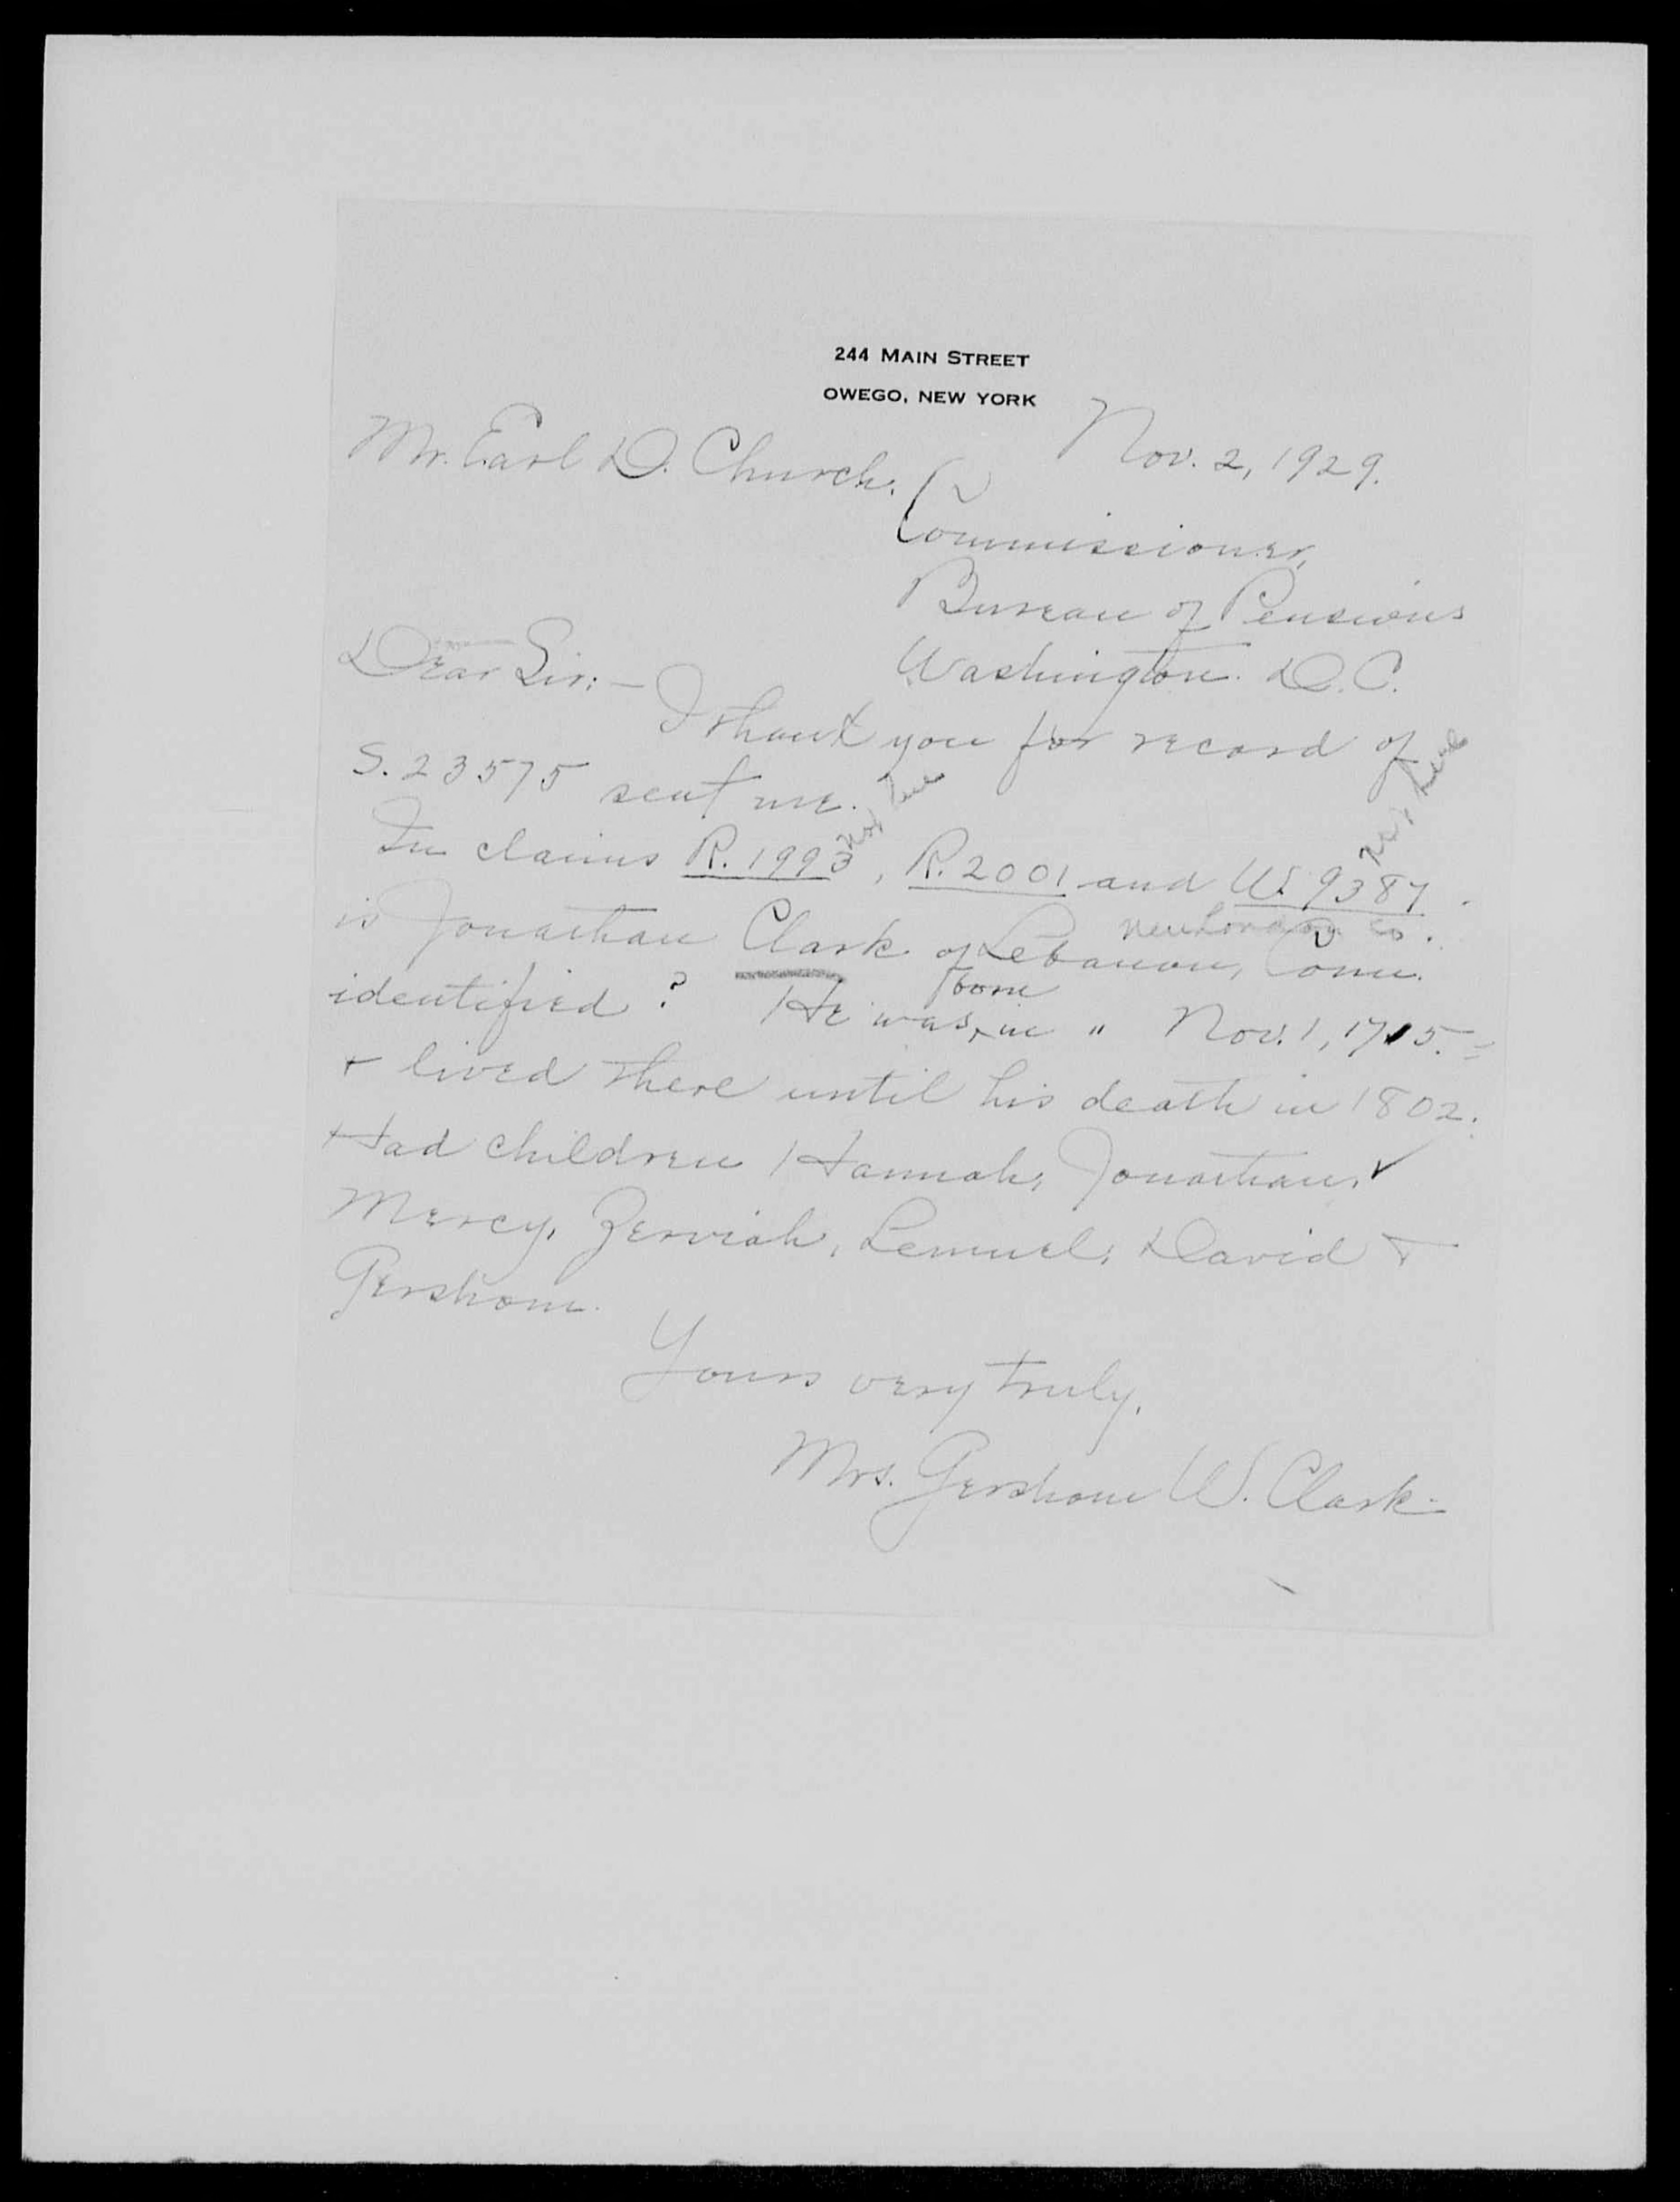244 Main Street
Owego, New York
Nov. 2 1929.
Mr. Earl D. Church,,
Commissioner,
Bureau of Pensions
Washington, D.C.
Dear Sir
  I thank you for record of S.23575 sent me.
  In claims R.1993 (not here), R.2001 and W. 9387 (not here), is Jonathan Clark of Lebanon, New London Co. Conn. identified?  He was born in Lebanon Nov. 1, 1715, & lived there until his death in 1802, & had children Hannah, Jonathan, Mercy, Zerviah, Lemuel, David & Gershom.
Yours very truly,
Mrs. Gershom W. Clark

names: Lemuel, Gershom, Gershom W Clark, Hannah, Mercy, Jonathan, Zerviah, Jonathan Clark, David, Earl D Church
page: 10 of 26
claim: rejected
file: R. 2001, Jonathan Clark, Conn.